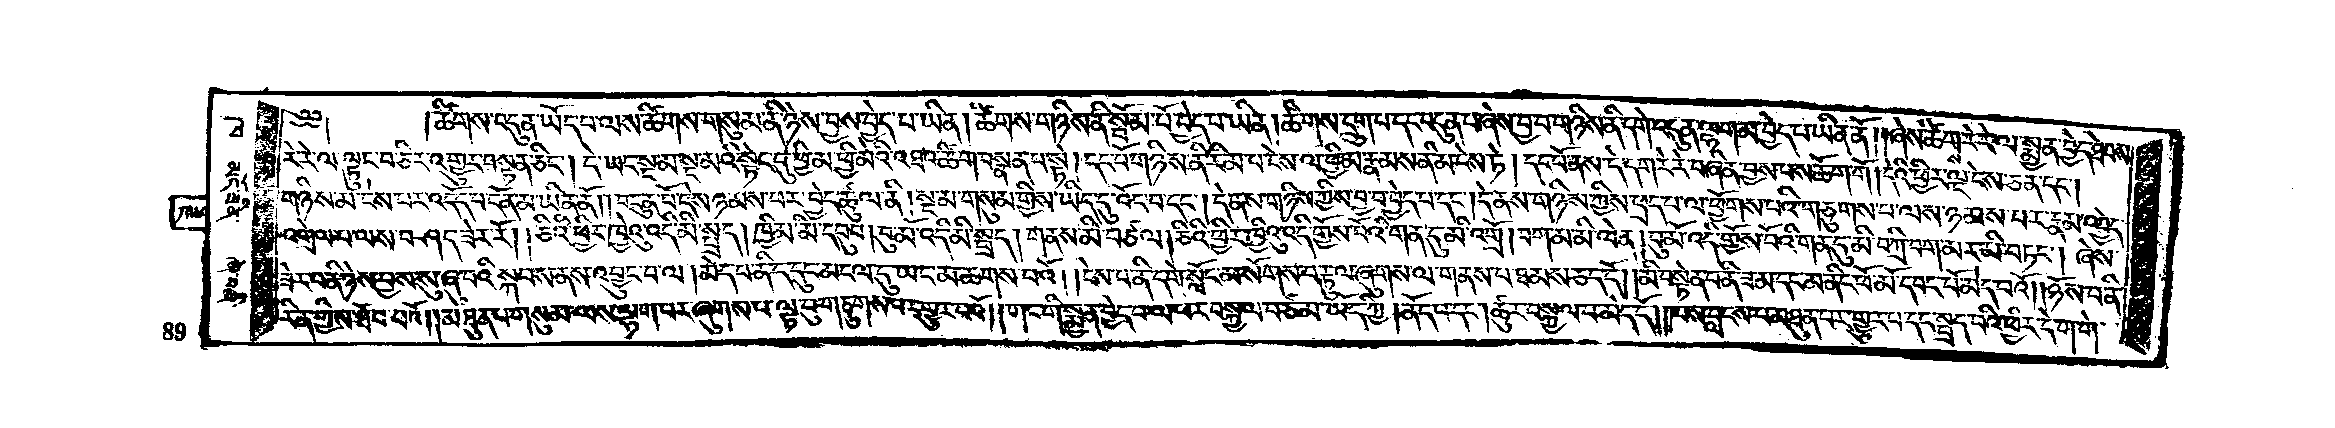༄༅། །ཚིགས་བདུན་ཡོད་པ་ལས་ཚིགས་གསུམ་ནི་ཉེས་བྱས་བྱེད་པ་ཡིན། ཚིགས་གཉིས་ནི་སྦོམ་པོ་བྱེད་པ་ཡིན། ཚིགས་དྲུག་པ་དང་བདུན་པ་ཞེས་བྱ་བ་གཉིས་ནི་དགེ་འདུན་ལྷག་མ་བྱེད་པ་ཡིན་ནོ། །ཞེས་ཚིག་རེ་རེ་ལ་སྨྱན་བྱེད་ཐེབས་
རེ་རེ་ལ་ལྟུང་བ་ཅིར་འགྱུར་བསྟན་ཅིང་། དེ་ཡང་སྔ་མ་སྔ་མའི་སྟེང་དུ་ཕྱི་མ་ཕྱི་མའི་འཐབ་ཚིག་བསྣན་པ་སྟེ། དང་པོ་གཉིས་ནི་རིམ་པ་ངེས་ལ་ཕྱི་མ་རྣམས་ནི་མ་ངེས་ཏེ། དང་པོ་ནས་དེ་དག་རེ་རེ་བཞིན་བྱས་པས་ཆོག་གོ །དེའི་ཕྱིར་ལྔ་ངེས་ཅན་དང་།
གཉིས་མ་ངེས་པར་འདོད་པ་དོན་མ་ཡིན་ནོ། །བདུན་པོ་དེས་ཉམས་པར་བྱེད་ཚུལ་ནི། སྔ་མ་གསུམ་གྱིས་ཡིད་དུ་འོང་བ་དང་། དེ་ནས་གཉིས་ཀྱིས་བྱ་བ་བྱེད་པ་དང་། དེ་ནས་གཉིས་ཀྱིས་ཕྲད་པ་ལ་ཕྱོགས་པའི་གཅུགས་པ་ལས་ཉམས་པར་རྣམ་འབྱེད་
འགྲེལ་པ་ལས་བཤད་ཟེར་རོ། །ཅིའི་ཕྱིར་ཁྱེའུ་འདི་མི་སྤྲད། ཁྱིམ་མི་དབུབ། བུ་མོ་འདི་མི་སྤྲད། གནས་མི་བཙལ། ཅིའི་ཕྱིར་ཁྱིའུ་འདི་གྱོས་པོའི་གན་དུ་མི་འགྲོ། བག་མ་མི་ལེན། བུ་མོ་འདི་གྱོས་བོའི་གན་དུ་མི་བཀྲི་བག་མར་མི་བཏང་། ཞེས་
ཟེར་བ་ནི་ཉེས་བྱས་སུ་ཞུ་བའི་སྐབས་ནས་འབྱུང་བ་ལ། མེད་པ་ནི་ད་དུང་མངལ་དུ་ཡང་མ་ཆགས་པའོ། །ངེས་པ་ནི་དགེ་སློང་མ་སོགས་བརྟུལ་ཞུགས་ལ་གནས་པ་ཐམས་ཅད་དོ། །མི་བསྟེན་པ་ནི་ཟ་མ་དང་མ་ནིང་ཕོ་མོ་དབང་པོ་མེད་པའོ། །ཉོས་པ་ནི་
རིན་གྱིས་ཐོབ་པའོ། །མཐུན་པ་གསུམ་ལས་ལྷག་པར་ཞུགས་པ་ལྟ་བུ་གཅུགས་པར་གྱུར་པའོ། །གང་གི་སྨྱན་བྱེད་པ་ལ་ཕར་བསྐྱལ་བ་ཙམ་ཡོད་ཀྱི། ནོད་པ་དང་། ཚུར་བསྐྱལ་བ་མེད་དོ། །ཁས་བླངས་པ་མཐུན་པར་གྱུར་པ་དང་སྤྲད་པའི་ཕྱིར་དེ་ག་གེ་